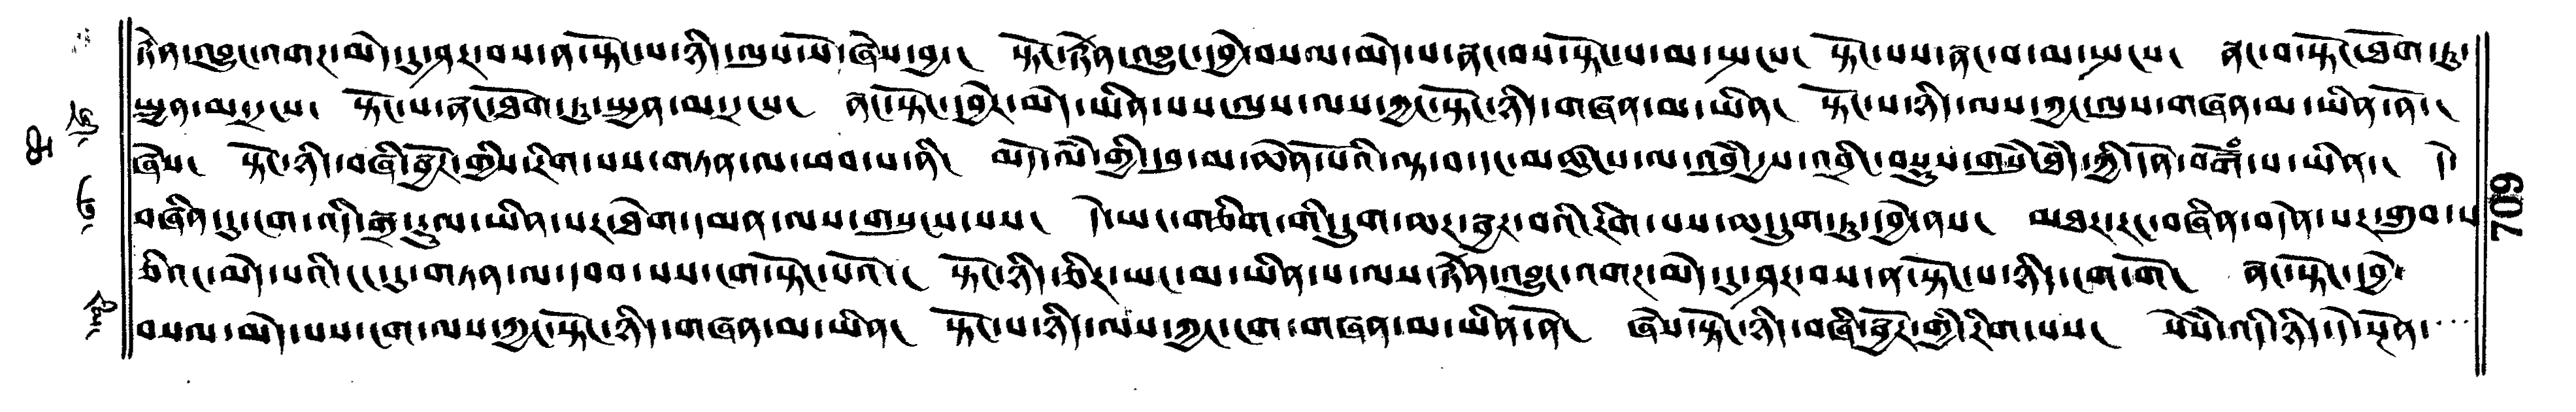རྟེན་འབྱུང་འགག་མེད་དུ་ཤར་བས་ན་སྟོང་པ་ཉིད་ལུས་སོ་ཞེས་བྱ། སྟོང་རྟེན་འབྱུང་དབྱེ་བསལ་མེད་པ་སྣང་བས་སྟོང་པ་མ་སྤངས། སྟོང་པས་སྣང་བ་མ་སྤངས། སྣང་བ་སྟོང་ཐོག་ཏུ་
སྤྱན་མ་དྲངས། སྟོང་པ་སྣང་ཐོག་ཏུ་སྤྱན་མ་དྲངས། སྣང་སྟོང་དབྱེར་མེད་ཡིན་པས་ལུས་ལས་ཀྱང་སྟོང་ཉིད་གཞན་མ་ཡིན། སྟོང་པ་ཉིད་ལས་ཀྱང་ལུས་གཞན་མ་ཡིན་ནོ། 
ཞེས་སྟོང་ཉིད་བཞི་སྦྱོར་གྱིས་རིག་པས་གཏན་ལ་ཕབ་པ་ནི།མདོ་ལམ་གྱི་དབུ་མ་ཆེན་པོའི་ལྟ་བ་དང་མཚུངས་ལ་འབུམ་རྒྱས་འབྲིང་བསྡུས་གསུམ་ཐམས་ཅད་ཀྱི་དོན་བསྒོམ་པ་ཡིན། དེ་
བཞིན་དུ་ངག་འདི་སྒྲ་རྡུལ་ཡིན་པར་ཐེག་དམན་གྱི་གཞུང་ལས་གསུངས་པས། དེ་ཡང་གཅིག་གི་དྲུག་ཆར་སྦྱར་བའི་རིགས་པས་ཆ་དྲུག་ཏུ་དབྱེ་ནས། མཐར་རང་བཞིན་བདེན་པར་གྲུབ་པ་
ཅིའང་མེད་པའི་ངང་དུ་གཏན་ལ་དབབ་པས་ངག་སྟོང་པའོ། སྟོང་ཉིད་ཅིར་ཡང་མ་ཡིན་པ་ལས་རྟེན་འབྱུང་འགག་མེད་དུ་ཤར་བས་ན་སྟོང་པ་ཉིད་ངག་གོ སྣང་སྟོང་དབྱེ་
བསལ་མེད་པས་ངག་ལས་ཀྱང་སྟོང་ཉིད་གཞན་མ་ཡིན། སྟོང་པ་ཉིད་ལས་ཀྱང་ངག་གཞན་མ་ཡིན་ནོ། ཞེས་སྟོང་ཉིད་བཞི་སྦྱོར་གྱི་རིགས་པས། སེམས་འདི་ཉིད་དེ་སྔོན་